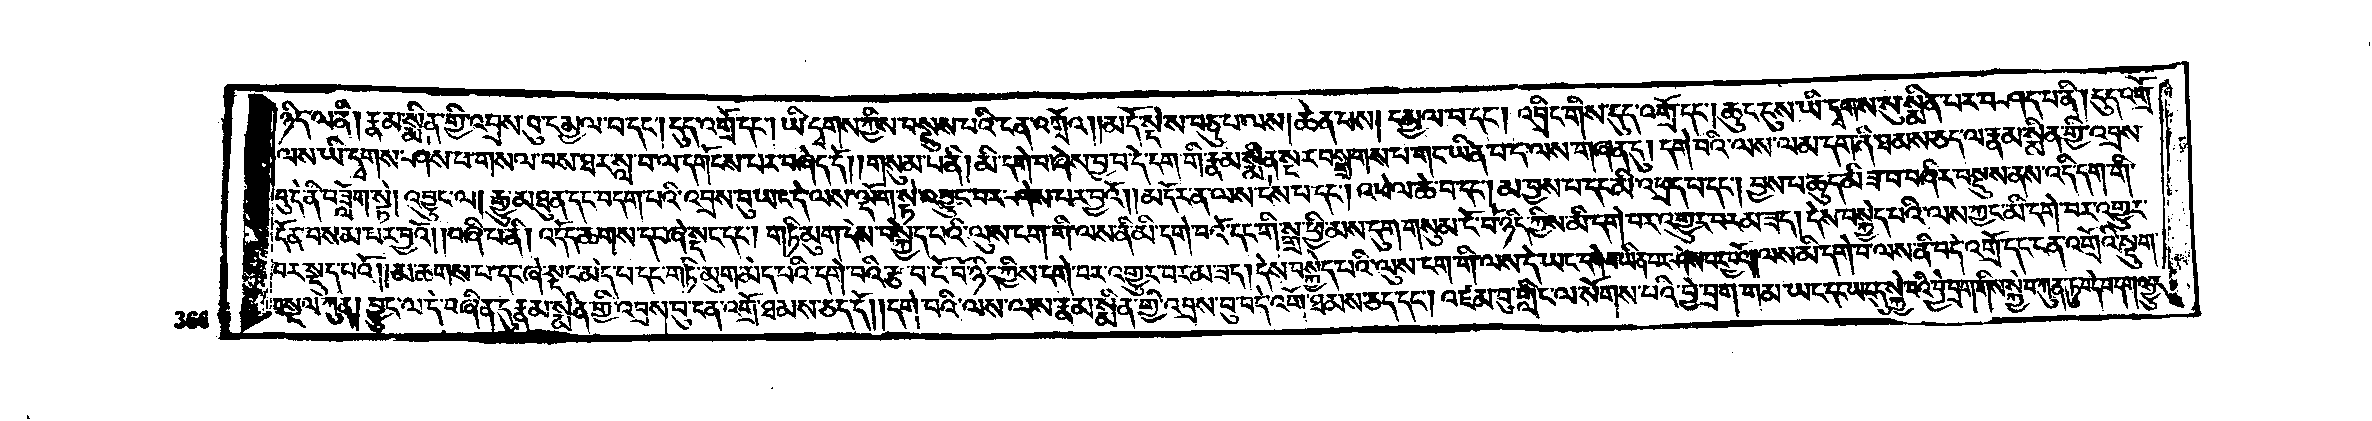ཉིད་ལ་ནི། རྣམ་སྨིན་གྱི་འབྲས་བུ་དམྱལ་བ་དང་། དུད་འགྲོ་དང་། ཡི་དྭགས་ཀྱིས་བསྡུས་པའི་ངན་འགྲོའོ། །མདོ་སྡེ་ས་བཅུ་པ་ལས། ཆེན་པས། དམྱལ་བ་དང་། འབྲིང་གིས་དུད་འགྲོ་དང་། ཆུང་ངུས་ཡི་དྭགས་སུ་སྨིན་པར་བཤད་པ་ནི། དུད་འགྲོ་
ལས་ཡི་དྭགས་ཤེས་པ་གསལ་བས་ཐར་སླ་བ་ལ་དགོངས་པར་བཞེད་དོ། །གསུམ་པ་ནི། མི་དགེ་བ་ཞེས་བྱ་བ་དེ་དག་གི་རྣམ་སྨིན་སྔར་བསྒྲགས་པ་གང་ཡིན་པ་ང་ལས་གཞན་དུ། དགེ་བའི་ལས་ལམ་དག་ནི་ཐམས་ཅད་ལ་རྣམ་སྨིན་གྱི་འབྲས་
བུ་དེ་ནི་བཟློག་སྟེ། འབྱུང་ལ། རྒྱུ་མཐུན་དང་བདག་པའི་འབྲས་བུ་ཡང་དེ་ལས་ལྡོག་སྟེ་འབྱུང་བར་ཤེས་པར་བྱའོ། །མདོར་ན་ལས་ངེས་པ་དང་། འཕེལ་ཆེ་བ་དང་། མ་བྱས་པ་དང་མི་འཕྲད་པ་དང་། བྱས་པ་ཆུད་མི་ཟ་བ་བཞིར་བསྡུས་ནས་འདི་དག་གི་
དོན་བསམ་པར་བྱའོ། །བཞི་པ་ནི། འདོད་ཆགས་དང་ཞེ་སྡང་དང་། གཏི་མུག་དེས་བསྐྱེད་པའི་ལུས་ངག་གི་ལས་ནི་མི་དགེ་བའོ་དང་གི་སྒྲ་ཕྱི་མས་དུག་གསུམ་ངོ་བོ་ཉིད་ཀྱིས་མི་དགེ་བར་འགྱུར་བར་མ་ཟད། དེས་བསྐྱེད་པའི་ལས་ཀྱང་མི་དགེ་བར་འགྱུར་
བས་སྡུད་པའོ། །མ་ཆགས་པ་དང་ཞེ་སྡང་མེད་པ་དང་གཏི་མུག་མེད་པའི་དགེ་བའི་རྩ་བ་ངོ་བོ་ཉིད་ཀྱིས་དགེ་བར་འགྱུར་བར་མ་ཟད། དེས་བསྐྱེད་པའི་ལུས་ངག་གི་ལས་དེ་ཡང་དགེ་བ་ཡིན་པར་ཤེས་པར་བྱའོ། །ལས་མི་དགེ་བ་ལས་ནི་བདེ་འགྲོ་དང་ངན་འགྲོའི་སྡུག་
བསྔལ་ཀུན། བྱུང་ལ་དེ་བཞིན་དུ་རྣམ་སྨིན་གྱི་འབྲས་བུ་ངན་འགྲོ་ཐམས་ཅད་དོ། །དགེ་བའི་ལས་ལས་རྣམ་སྨིན་གྱི་འབྲས་བུ་བདེ་འོག་ཐམས་ཅད་དང་། འཛམ་བུ་གླིང་ལ་སོགས་པའི་བྱེ་བྲག་གམ་ཡང་དང་ཡང་དུ་སྐྱེ་བའི་བྱེ་བྲག་གིས་སྐྱེ་བ་ཀུན་ཏུ་བདེ་བ་དག་འབྱུང་